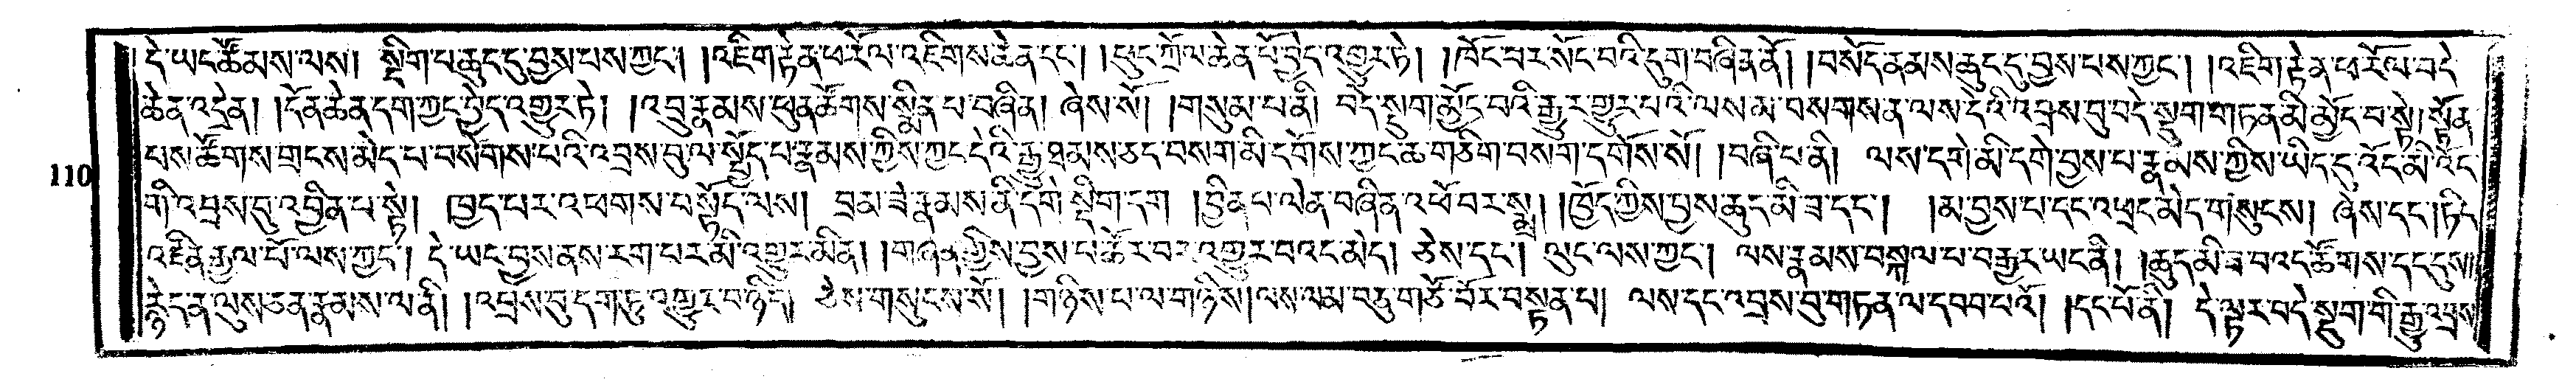དེ་ཡང་ཚོམས་ལས། སྡིག་པ་ཆུང་དུ་བྱས་པས་ཀྱང་། །འཇིག་རྟེན་ཕ་རོལ་འཇིགས་ཆེན་དང་། །ཕུང་ཀྲོལ་ཆེན་པོ་བྱེད་འགྱུར་ཏེ། །ཁོང་པར་སོང་བའི་དུག་བཞིན་ནོ། །བསོད་ནམས་ཆུང་དུ་བྱས་པས་ཀྱང་། །འཇིག་རྟེན་ཕ་རོལ་བདེ་
ཆེན་འདྲེན། །དོན་ཆེན་དག་ཀྱང་བྱེད་འགྱུར་ཏེ། །འབྲུ་རྣམས་ཕུན་ཚོགས་སྨིན་པ་བཞིན། ཞེས་སོ། །གསུམ་པ་ནི། བདེ་སྡུག་མྱོང་བའི་རྒྱུར་གྱུར་པའི་ལས་མ་བསགས་ན་ལས་དེའི་འབྲས་བུ་བདེ་སྡུག་གཏན་མི་མྱོང་བ་སྟེ། སྟོན་
པས་ཚོགས་གྲངས་མེད་པ་བསེགས་པའི་འབྲས་བུ་ལ་སྤྱོད་པ་རྣམས་ཀྱིས་ཀྱང་དེའི་རྒྱུ་ཐམས་ཅད་བསག་མི་དགོས་ཀྱང་ཆ་གཅིག་བསག་དགོས་སོ། །བཞི་པ་ནི། ལས་དགེ་མི་དགེ་བྱས་པ་རྣམས་ཀྱིས་ཡིད་དུ་འོང་མི་འོང་
གི་འབྲས་བུ་འབྱིན་པ་སྟེ། ཁྱད་པར་འཕགས་བསྟོད་ལས། བྲམ་ཟེ་རྣམས་ནི་དགེ་སྡིག་དག །བྱིན་པ་ལེན་བཞིན་འཕོ་བར་སྨྲ། །ཁྱོད་ཀྱིས་བྱས་ཆུད་མི་ཟ་དང་། །མ་བྱས་པ་དང་འཕྲང་མེད་གསུངས། ཞེས་དང་།ཏིང་
འཛིན་རྒྱལ་པོ་ལས་ཀྱང་། དེ་ཡང་བྱས་ནས་རག་པར་མི་འགྱུར་མིན། །གཞན་གྱིས་བྱས་པ་ཚོར་བར་འགྱུར་བའང་མེད། ཅེས་དང་། ལུང་ལས་ཀྱང་། ལས་རྣམས་བསྐལ་པ་བརྒྱར་ཡང་ནི། །ཆུད་མི་ཟ་བའང་ཚོགས་དང་དུས།།
རྙེད་ན་ལུས་ཅན་རྣམས་ལ་ནི། །འབྲས་བུ་དག་ཏུ་འགྱུར་བ་ཉིད། ཅེས་གསུངས་སོ། །གཉིས་པ་ལ་གཉིས། ལས་ལམ་བཅུ་གཙོ་བོར་བསྟན་པ། ལས་དང་འབྲས་བུ་གཏན་ལ་དབབ་པའོ། །དང་པོ་ནི། དེ་ལྟར་བདེ་སྡུག་གི་རྒྱུ་འབྲས་